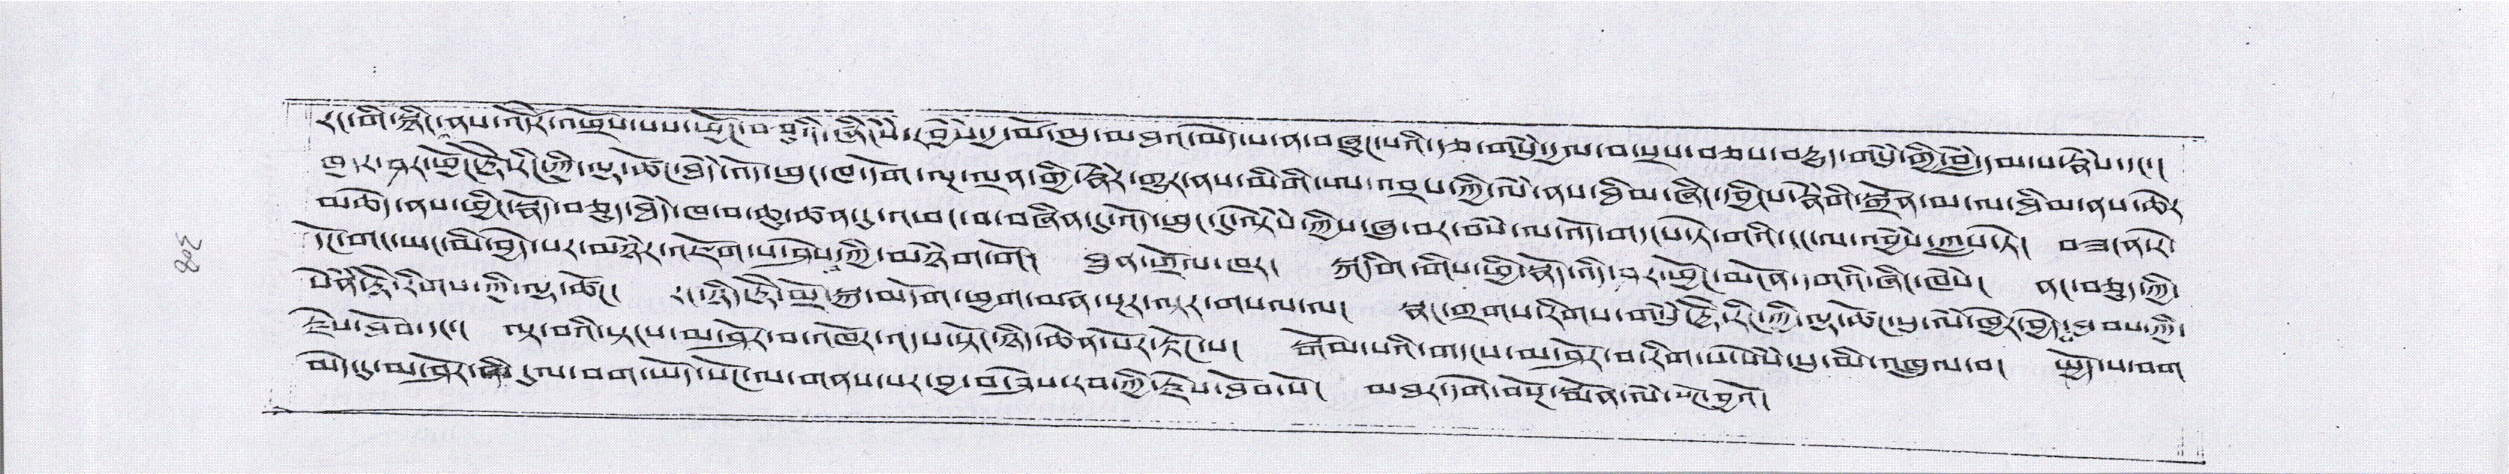རང་གི་སྙིང་ནས་འོད་ཟེར་འཕྲོས་པས་ཕྱོགས་བཅུའི་ཞིང་ཁམས་རབ་འབྱམས་རྒྱ་མཚོ་མུ་མཐའ་མེད་པ་ན་བཞུགས་པའི་རྩ་གསུམ་རྒྱལ་བ་སྲས་བཅས་བརྒྱུད་གསུམ་གྱི་བླ་མ་དམ་པ་རྣམས་དང། 
ཁྱད་པར་ཤར་ཕྱོགས་རྡོ་རྗེ་རིགས་ཀྱི་ལྷ་ཚོགས་ཐམས་ཅད་འོད་ཕུང་ཁ་དོག་ལྔ་ལྡན་གྱི་རྣམ་པར་གྱུར་ནས་མིག་གི་ཨ་འབྲས་ཀྱི་ལམ་ནས་ཐིམ་ཞིང་དབྱིངས་རྣམ་དག་གི་སྒྲོན་མ་ལ་ཐིམ་ནས་ཆེར་
མཆེད་ནས་ཕྱི་ནང་སྣོད་བཅུད་ཐམས་ཅད་ཁ་བ་ཆུ་ཚན་དུ་འཕང་བ་བཞིན་དུ་འོད་ཕུང་དུ་ལྟེམས་ཀྱིས་ཞུ་བར་བསམ་ལ་འོད་གདངས་ཏེ་གའི་ངང་ལ་འབྱམས་ཀླས་ཏེ། བཟང་ངན་རེ་
དོགས་གང་ཡང་མི་བྱེད་པར་མཉམ་པར་འཇོག་པ་ཤེས་ཀྱི་མཉམ་བཞག་གོ། ཐུན་གྲོལ་ཁར། སྐད་ཅིག་གིས་ཕྱི་སྣོད་འདི་ཤར་ཕྱོགས་མངོན་དགའི་ཞིང་ཁམས། ནང་བཅུད་ཀྱི་
སེམས་ཅན་རྡོ་རྗེ་རིགས་ཀྱི་ལྷ་ཚོགས། རང་ཉིད་རྡོ་རྗེ་མཁའ་འགྲོ་སྐུ་མདོག་ཕྱག་མཚན་སྔར་ལྟར་གསལ་ལ། སྣང་གྲགས་རིགས་གསུམ་རྡོ་རྗེ་རིགས་ཀྱི་ལྷ་ཚོགས་སུ་ལམ་ཁྱེར་བྱེད་པ་ཐབས་ཀྱི་
རྗེས་ཐོབ་དང། ལྟ་བའི་སྟངས་མ་ཤོར་བ་འཁོར་འདས་སྟོང་ཉིད་ཆེན་པོར་རྟོགས་པ། སྒོམ་པའི་གདངས་མ་ཤོར་བ་རིག་པ་སེམས་སུ་མི་འཁྲུལ་བ། སྤྱོད་པ་བག་
མེད་དུ་མ་ཤོར་ཞི་དུལ་བག་ཡོད་སོགས་ལ་གནས་པར་བྱ་བ་ཤེས་རབ་ཀྱི་རྗེས་ཐོབ་བོ། མཐར་དགེ་བསྔོ་སྨོན་ལམ་སོགས་བྱའོ།